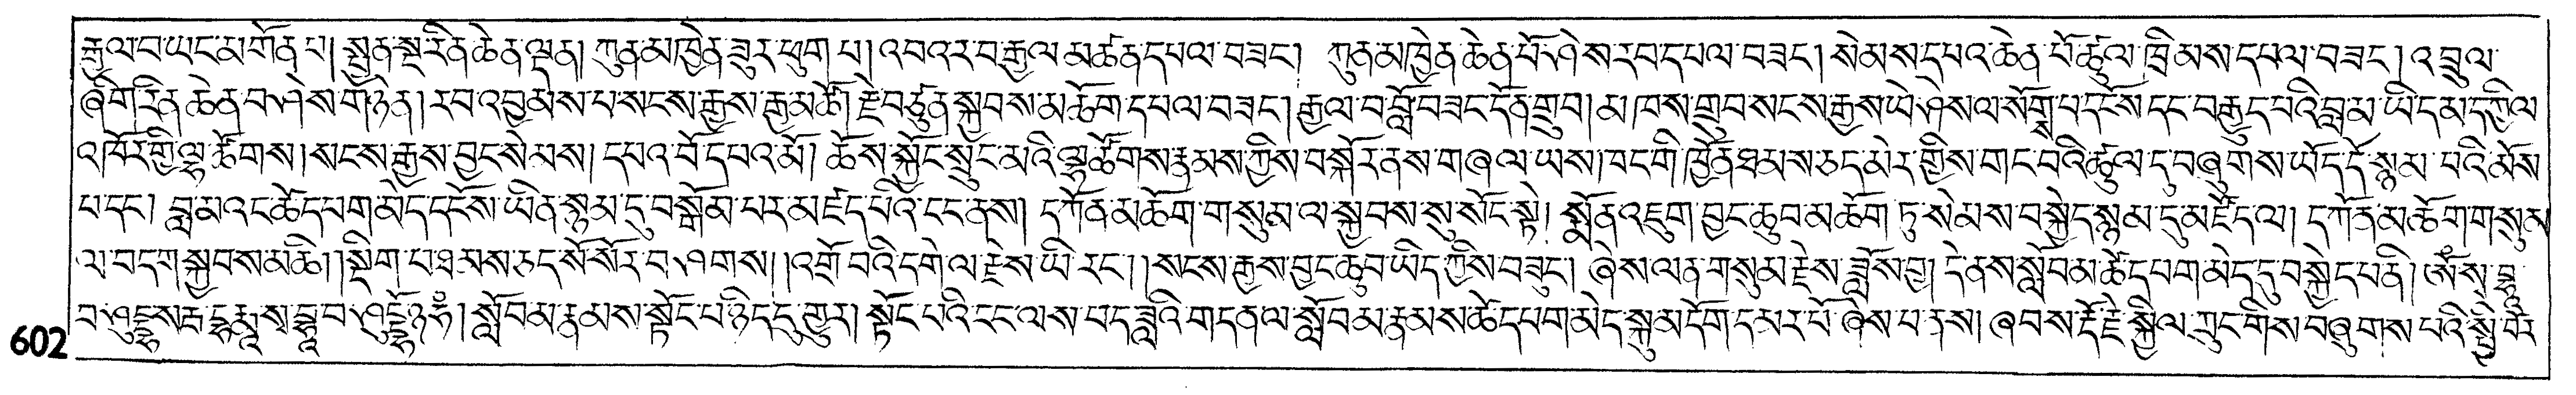རྒྱལ་བ་ཡང་མགོན་པ། སྤྱན་སྔ་རིན་ཆེན་ལྡན། ཀུན་མཁྱེན་ཟུར་ཕུག་པ། འབའ་ར་བ་རྒྱལ་མཚན་དཔལ་བཟང་། ཀུན་མཁྱེན་ཆེན་པོ་ཤེས་རབ་དཔལ་བཟང་། སེམས་དཔའ་ཆེན་པོ་ཚུལ་ཁྲིམས་དཔལ་བཟང་། འབྲུལ་
ཞིག་རིན་ཆེན་བཤེས་གཉེན། རབ་འབྱམས་པ་སངས་རྒྱས་རྒྱ་མཚོ། རྗེ་བཙུན་སྐྱབས་མཆོག་དཔལ་བཟང་། རྒྱལ་བ་བློ་བཟང་དོན་གྲུབ། མཁས་གྲུབ་སངས་རྒྱས་ཡེ་ཤེས་ལ་སོགས་པ་དངོས་དང་བརྒྱུད་པའི་བླ་མ་ཡི་དམ་དཀྱིལ་
འཁོར་གྱི་ལྷ་ཚོགས། སངས་རྒྱས་བྱང་སེམས། དཔའ་བོ་དཔའ་མོ། ཆོས་སྐྱོང་སྲུང་མའི་ལྷ་ཚོགས་རྣམས་ཀྱིས་བསྐོར་ནས་གཞལ་ཡས་ཁང་གི་ཁྱོན་ཐམས་ཅད་མེར་གྱིས་གང་བའི་ཚུལ་དུ་བཞུགས་ཡོད་དོ་སྙམ་པའི་མོས་
པ་དང་། བླ་མའང་ཚེ་དཔག་མེད་དངོས་ཡིན་སྙམ་དུ་བསྒོམ་པར་མཛད་པའི་ངང་ནས། དཀོན་མཆོག་གསུམ་ལ་སྐྱབས་སུ་སོང་སྟེ། སྨོན་འཇུག་བྱང་ཆུབ་མཆོག་ཏུ་སེམས་བསྐྱེད་སྙམ་དུ་མཛོད་ལ། དཀོན་མཆོག་གསུམ་
ལ་བདག་སྐྱབས་མཆི། །སྡིག་པ་ཐམས་ཅད་སོ་སོར་བཤགས། །འགྲོ་བའི་དགེ་ལ་རྗེས་ཡི་རང་། །སངས་རྒྱས་བྱང་ཆུབ་ཡིད་ཀྱིས་བཟུང་། ཞེས་ལན་གསུམ་རྗེས་ཟློས་བྱ། དེ་ནས་སློབ་མ་ཚེ་དཔག་མེད་དུ་བསྐྱེད་པ་ནི། ཨོཾ་སྭ་བྷཱ་
བ་ཤུདྡྷ་སརྦ་དྷརྨཱ་སྭ་བྷཱ་བ་ཤུདྡྷོ་ཉཧཾ། སློབ་མ་རྣམས་སྟོང་པ་ཉིད་དུ་གྱུར། སྟོང་པའི་ངང་ལས་པད་ཟླའི་གདན་ལ་སློབ་མ་རྣམས་ཚེ་དཔག་མེད་སྐུ་མདོག་དམར་པོ་ཞེས་པ་ནས། ཞབས་རྡོ་རྗེ་སྐྱིལ་ཀྲུང་གིས་བཞུགས་པའི་སྤྱི་བོར་